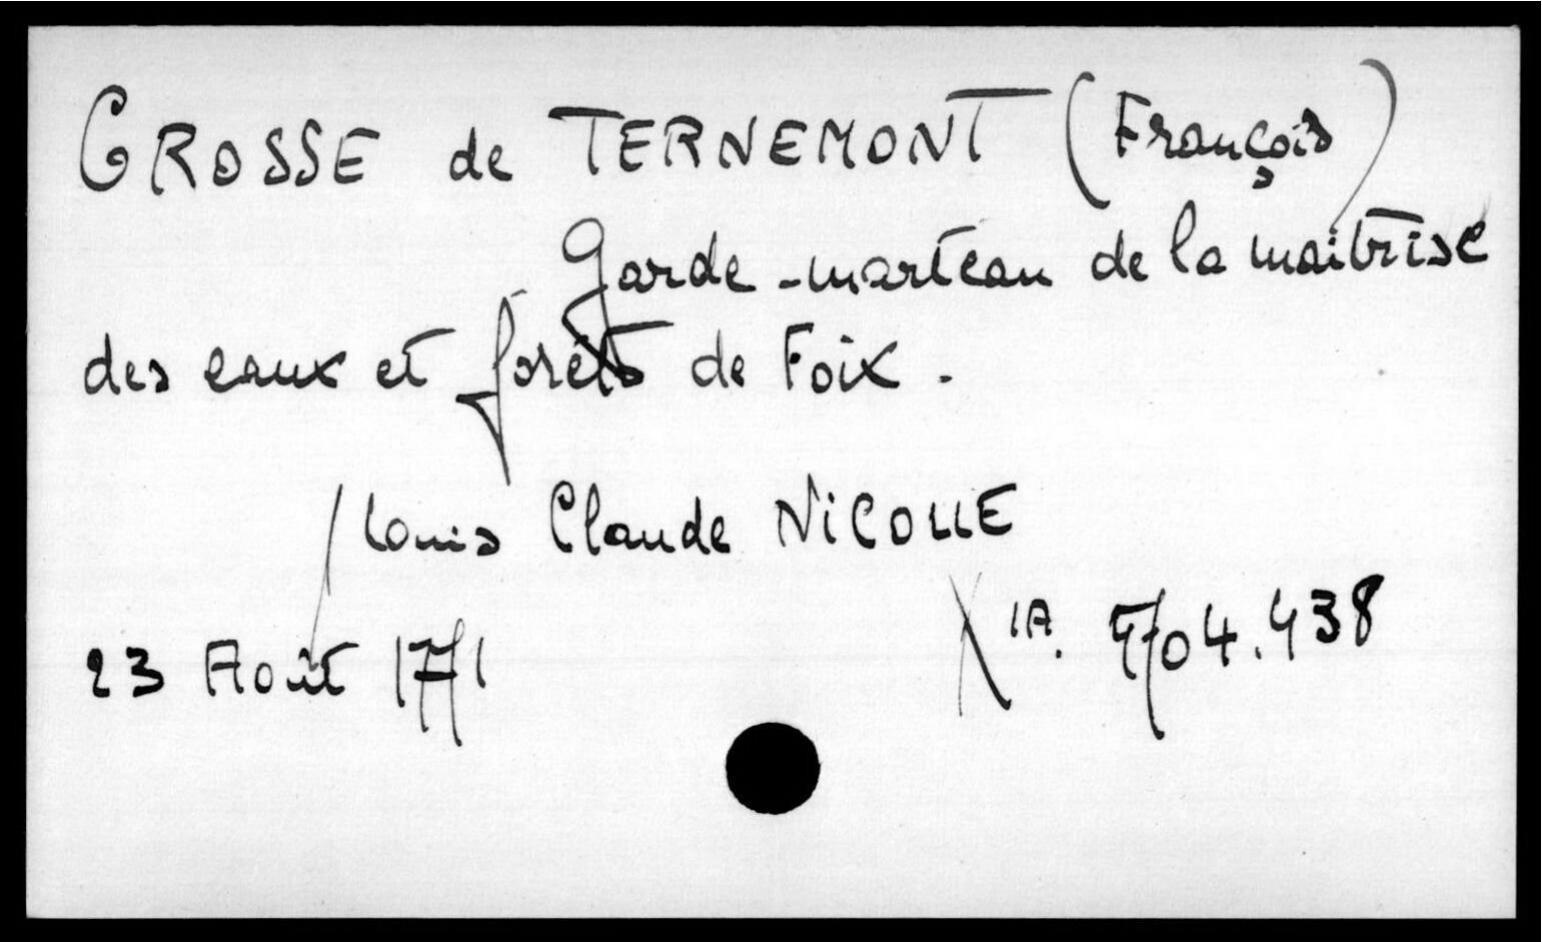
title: GROSSE de TERNEMONT (François) garde-marteau de la maîtrise des eaux et forêts de Foix
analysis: Contre Louis Claude NICOLLE
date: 23 août 1771
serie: X1A
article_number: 4704
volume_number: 438
